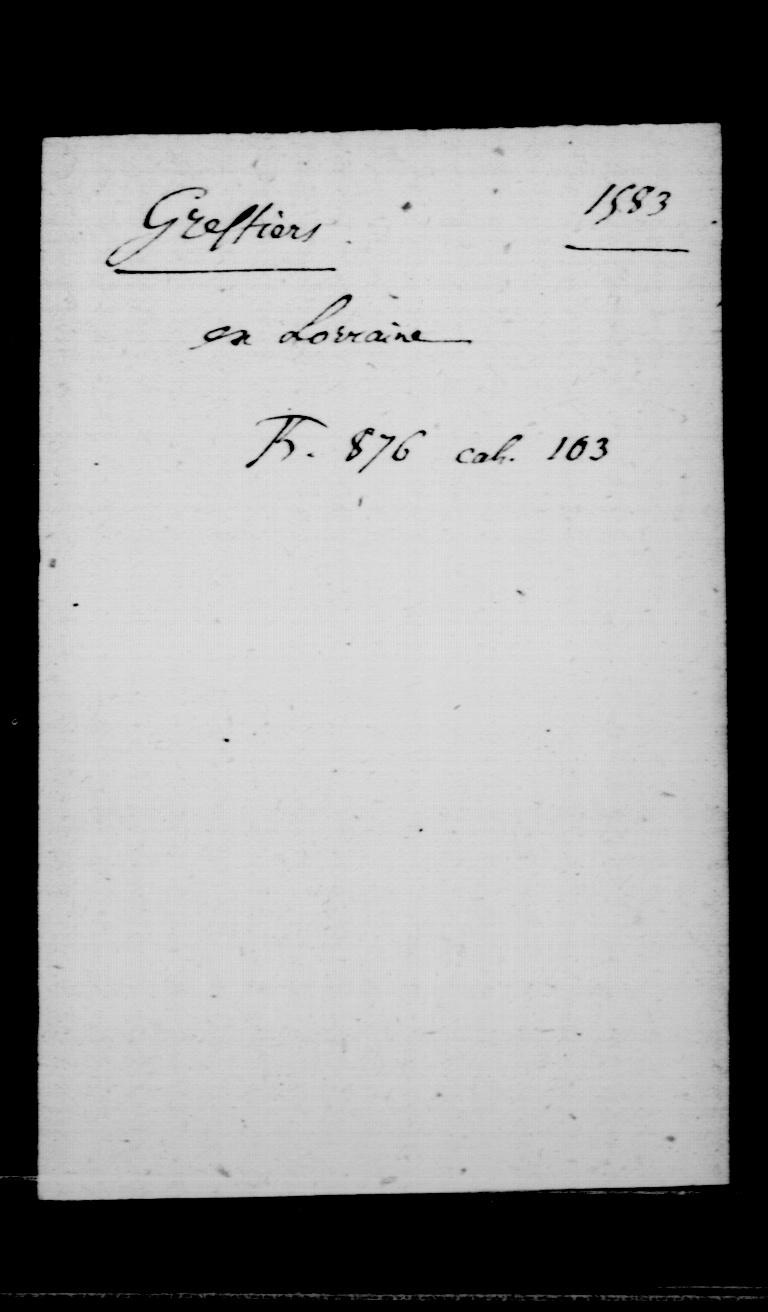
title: Greffiers
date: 1583
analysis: en Lorraine
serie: K
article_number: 876
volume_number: cah. 103
